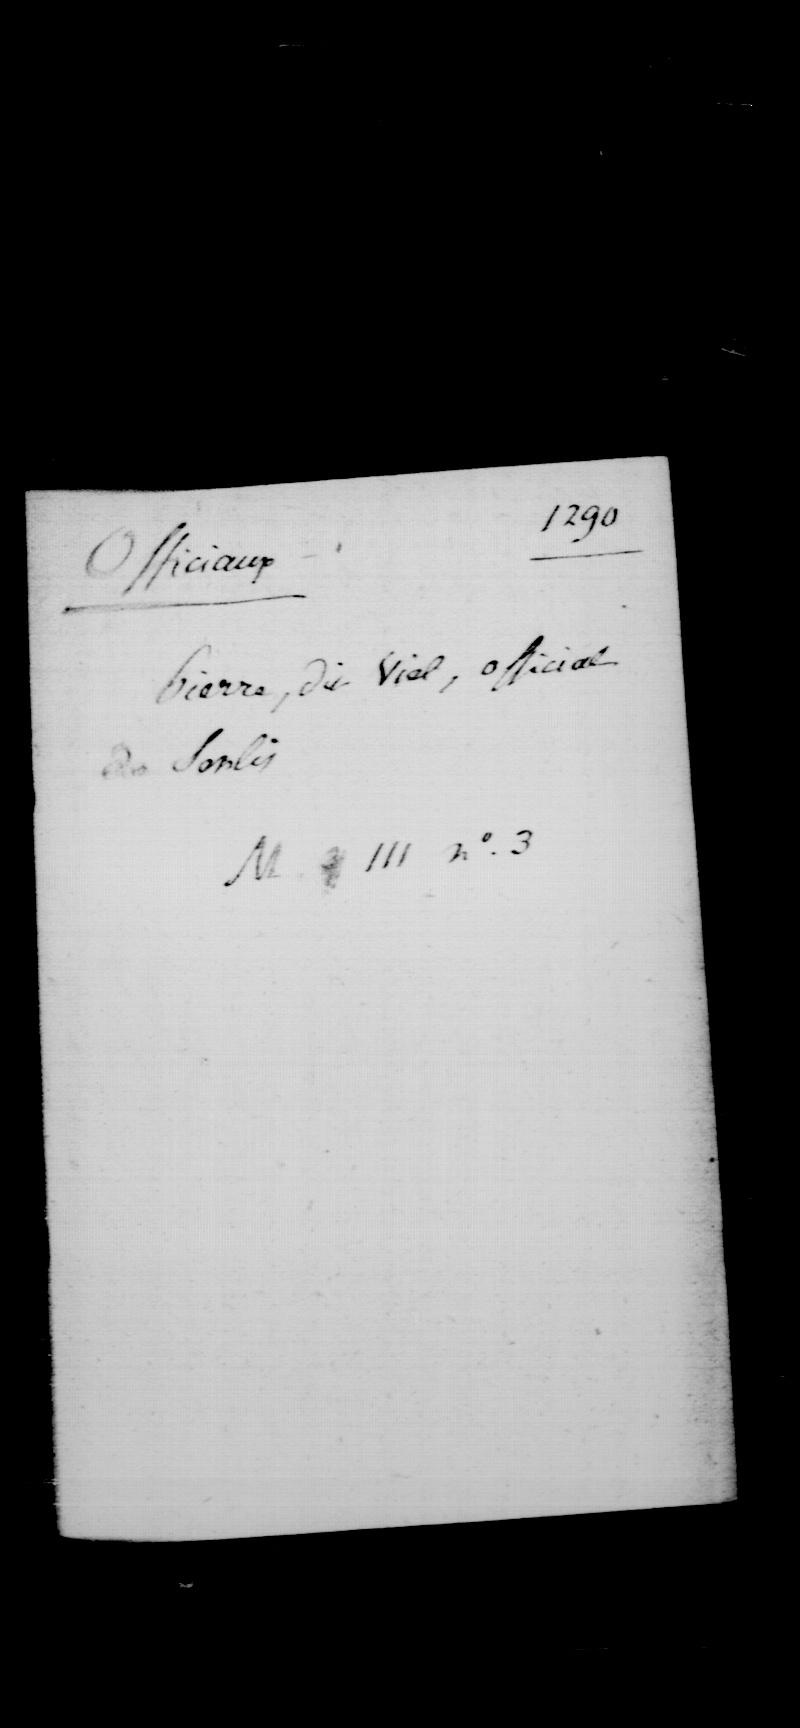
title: Officiaux
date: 1290
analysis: Pierre, dit Vieil, official de Senlis
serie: M
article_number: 111
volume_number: n° 3
